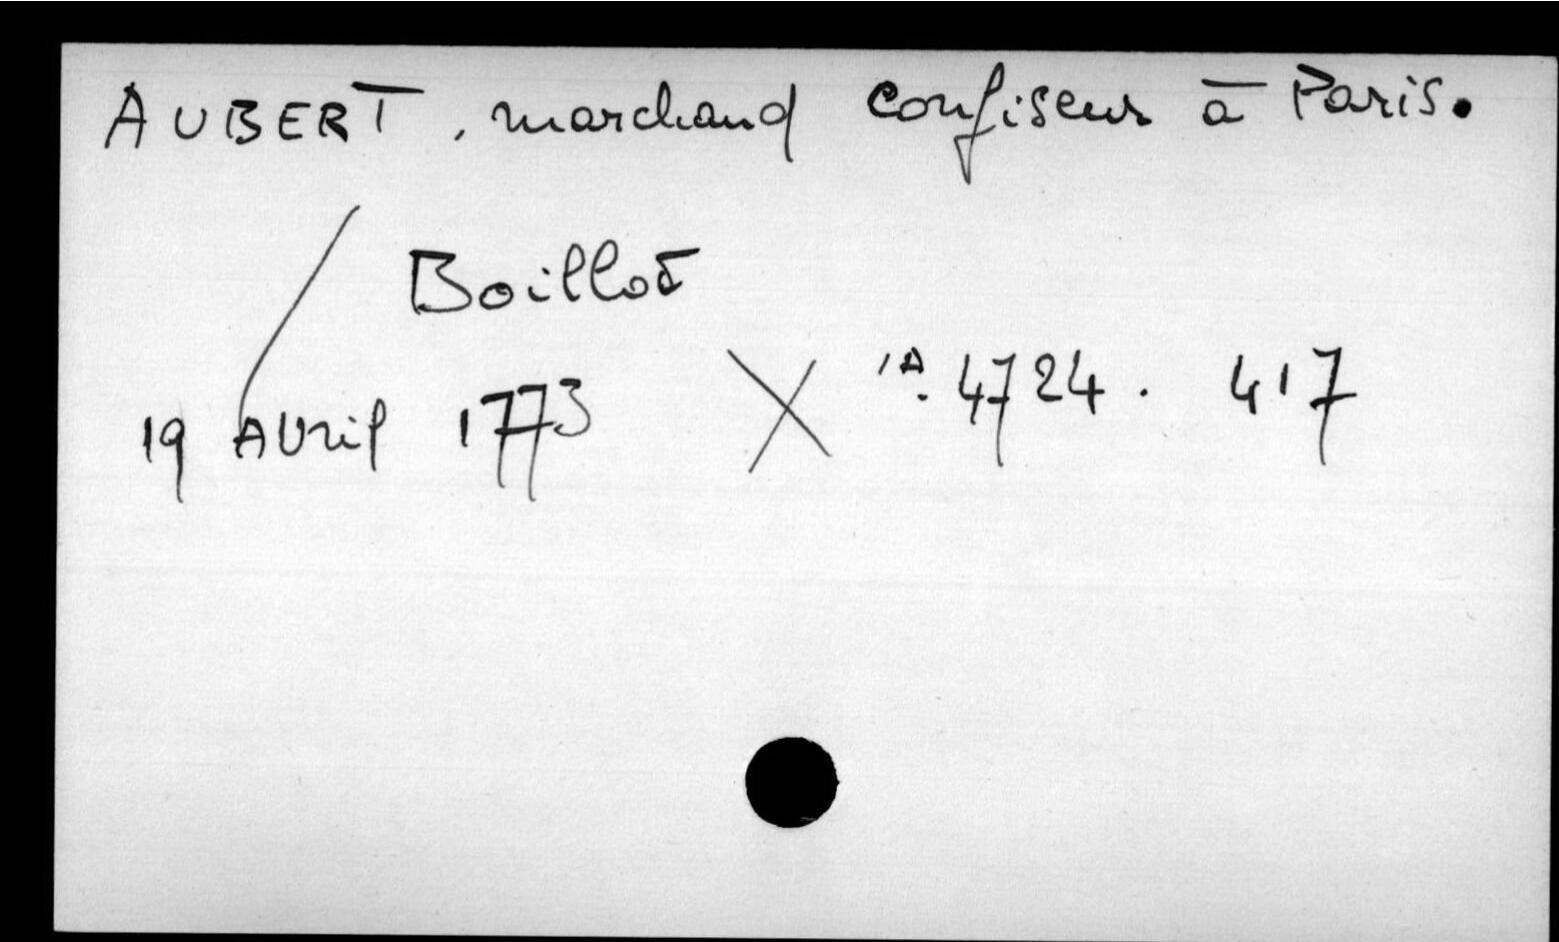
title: AUBERT, marchand confiseur à Paris.
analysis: Contre Boillot
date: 19 avril 1773
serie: X1A
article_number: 4724
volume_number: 417
